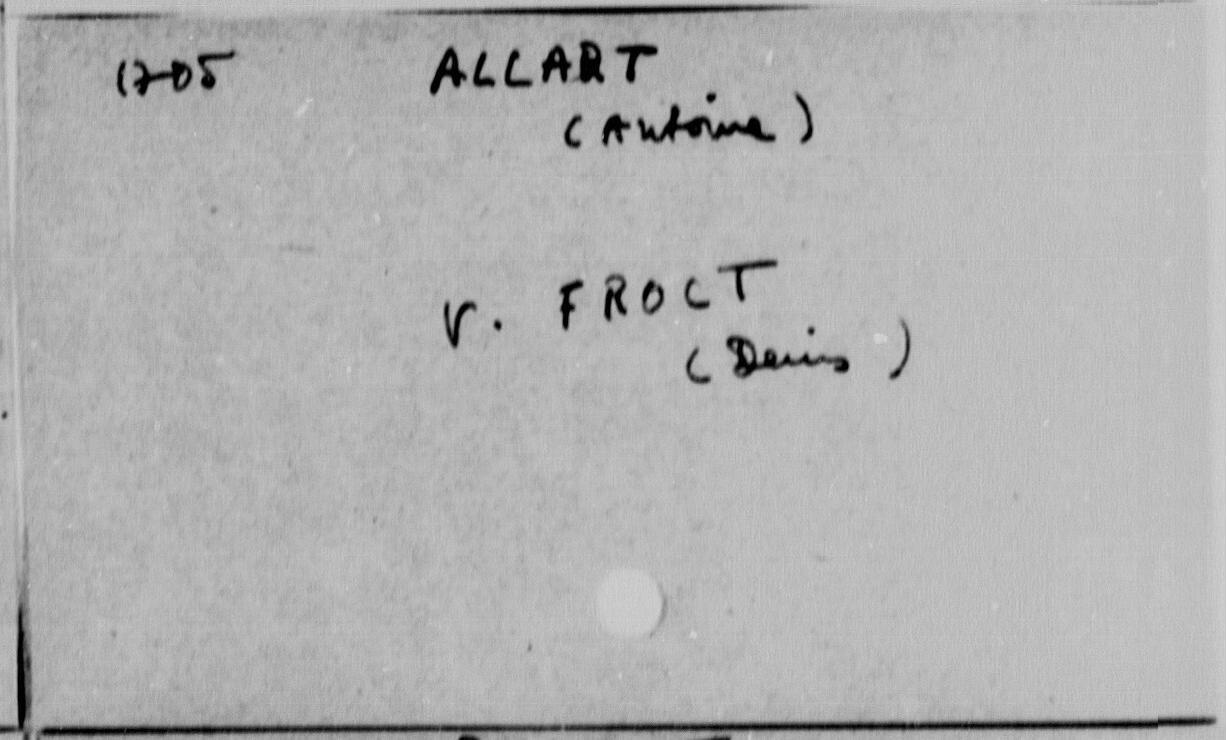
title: ALLART (Antoine)
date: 1705
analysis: Voir FROCT (Denis)
